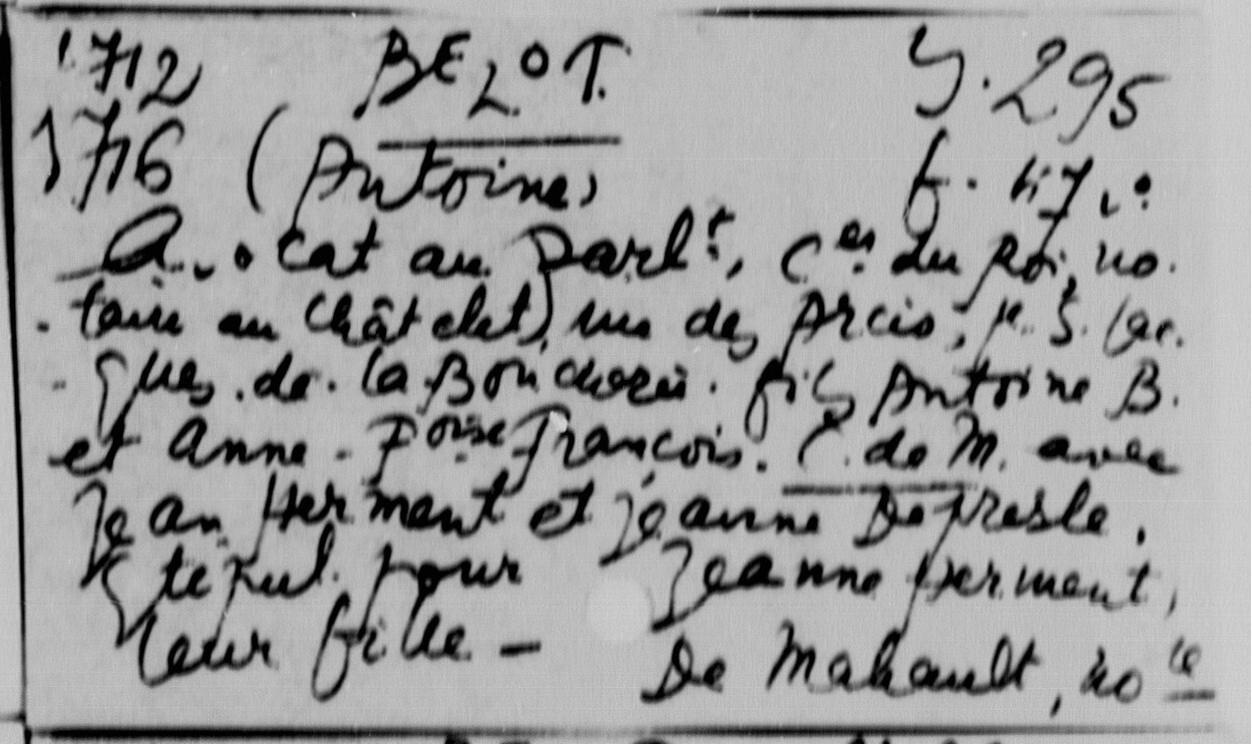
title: BELOT (Antoine)
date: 1712-1716
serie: Y
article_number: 295
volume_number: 47v
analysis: Avocat au Parlement, conseiller du roi, notaire au châtelet, rue des Arcis, paroisse Saint Jacques-de-la-Boucherie. Fils Antoine B. et Anne-Françoise François. Contrat de mariage avec Jean Herment et Jeanne De Presle, stipulant pour Jeanne Herment, leur fille. De Mahault, notaire
